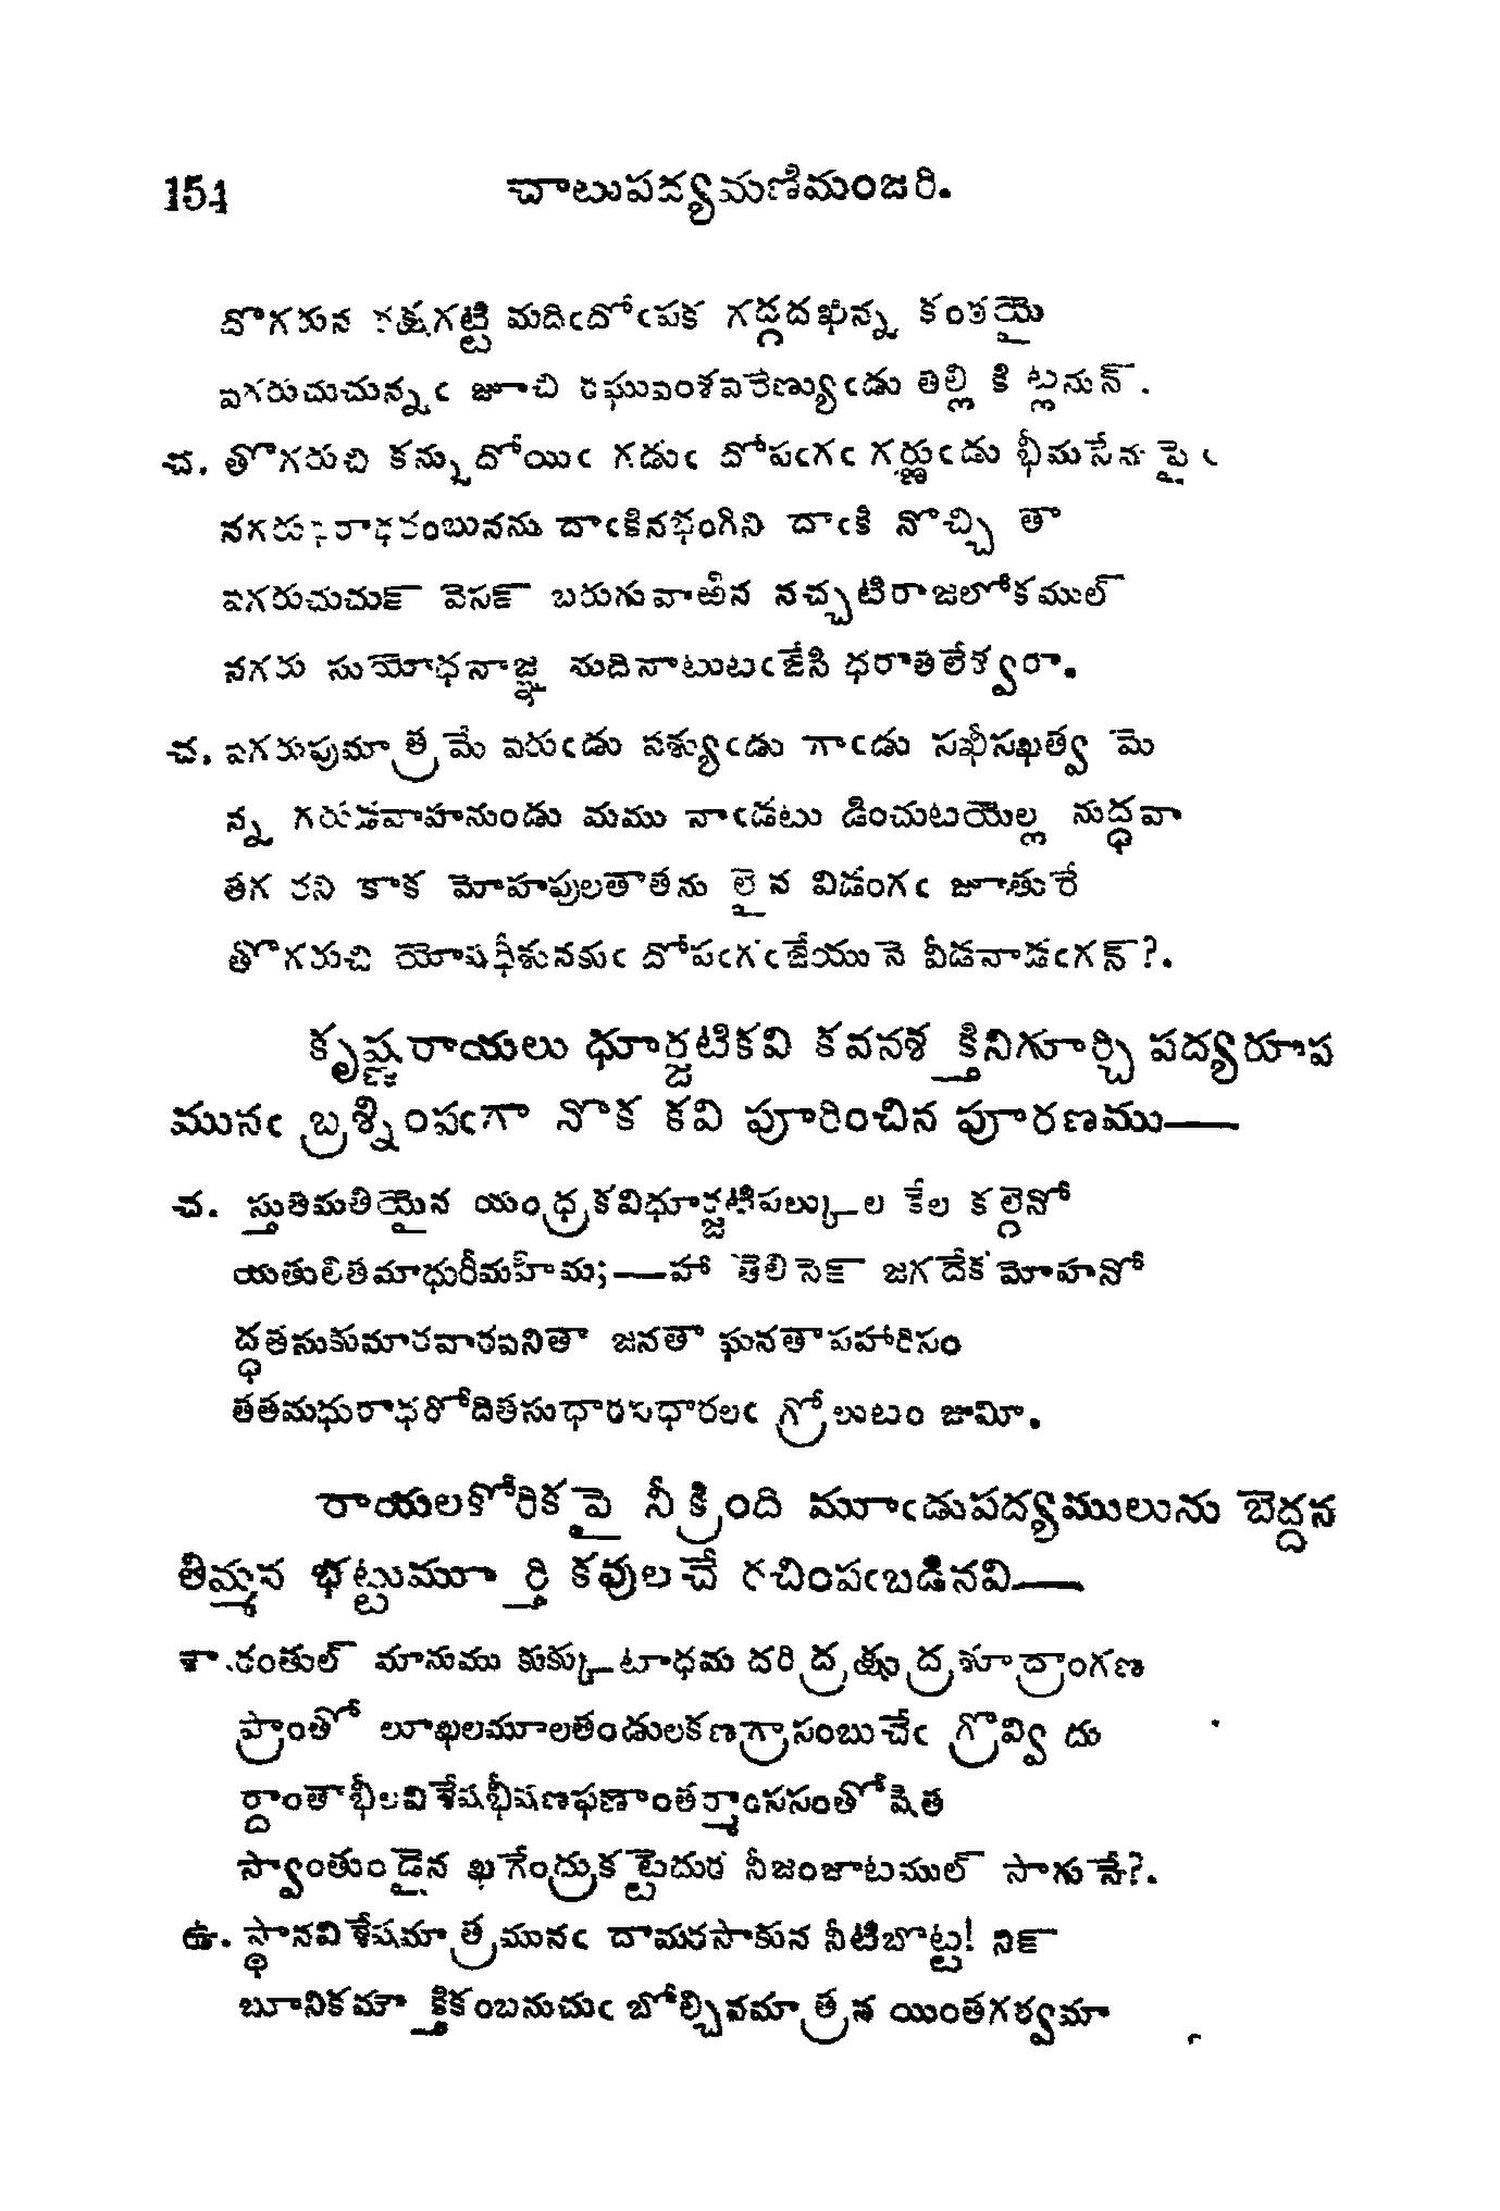దొగరున రక్షగట్టి మదిఁదోఁపక గద్గదఖిన్నకంఠియై
 వగరుచుచున్నఁ జూచి రఘువంశవరేణ్యుఁడు తల్లి కి ట్లనున్.
చ. తొగరుచి కన్నుదోయిఁగడుఁ దోఁపఁగఁ గర్ణుఁడు భీమసేనుపైఁ
 దగరుధరాధరంబునను దాఁకినభంగిని దాఁకి నొచ్చి తా
 వగరుచుచున్ వెసన్ బరుగువాఱిన నచ్చటిరాజలోకముల్
 నగరు సుయోధనాజ్ఞ మదినాటుటఁ జేసి ధరాతలేశ్వరా!
చ. వగరుపుమాత్రమే వరుఁడు వశ్యుఁడు గాఁడు సఖీసఖత్వమె
 న్న గరుడవాహనుండు మము నాఁడటు డించుటయెల్ల నుద్ధవా
 తగ రని కాక మోహపులతాతను లైన విడంగఁ జూతురే
 తొగరుచి యోషధీశునకుఁ దోపఁగఁజేయునె వీడనాడఁగన్?
కృష్ణరాయలు ధూర్జటికవి కవనశక్తినిఁగూర్చి పద్యరూపమునఁ బ్రశ్నింపఁగా నొక కవి పూరించిన పూరణము—
చ. స్తుతమతియైన యాంధ్రకవిధూర్జటిపల్కుల కేల కల్గెనో
 యతులితమాధురీమహిమ!—హా! తెలిసెన్ జగదేకమోహనో
 ద్ధతసుకుమారవారవనితాజనతాగనతాపహారిసం
 తతమధురాధరోదతసుధారసధారలఁ గ్రోలుటం జుమీ.
రాయలకోరికపై నీక్రింది మూఁడుపద్యములును బెద్దన తిమ్మన భట్టుమూర్తి కవులచే రచింపఁబడినవి—
శా. రంతుల్ మానుము కుక్కుటాధమ! దరిద్రక్షుద్రశూద్రాంగణ
 ప్రాంతోలూఖిలమూలతండులకణగ్రాసంబుచేఁ గ్రొవ్వి దు
 ర్దాంతాభీలవిశేషభీషణఫణాంతర్మాంససంతోషిత
 స్వాంతుండైన ఖగేంద్రుకట్టెదుర నీజంజాటముల్ సాగునే?
ఉ. స్థానవిశేషమాత్రమునఁ దామరపాకున నీటిబొట్ట! నిన్
 బూనిక మౌక్తికంబనుచుఁ బోల్చినమాత్రన యింతగర్వమా